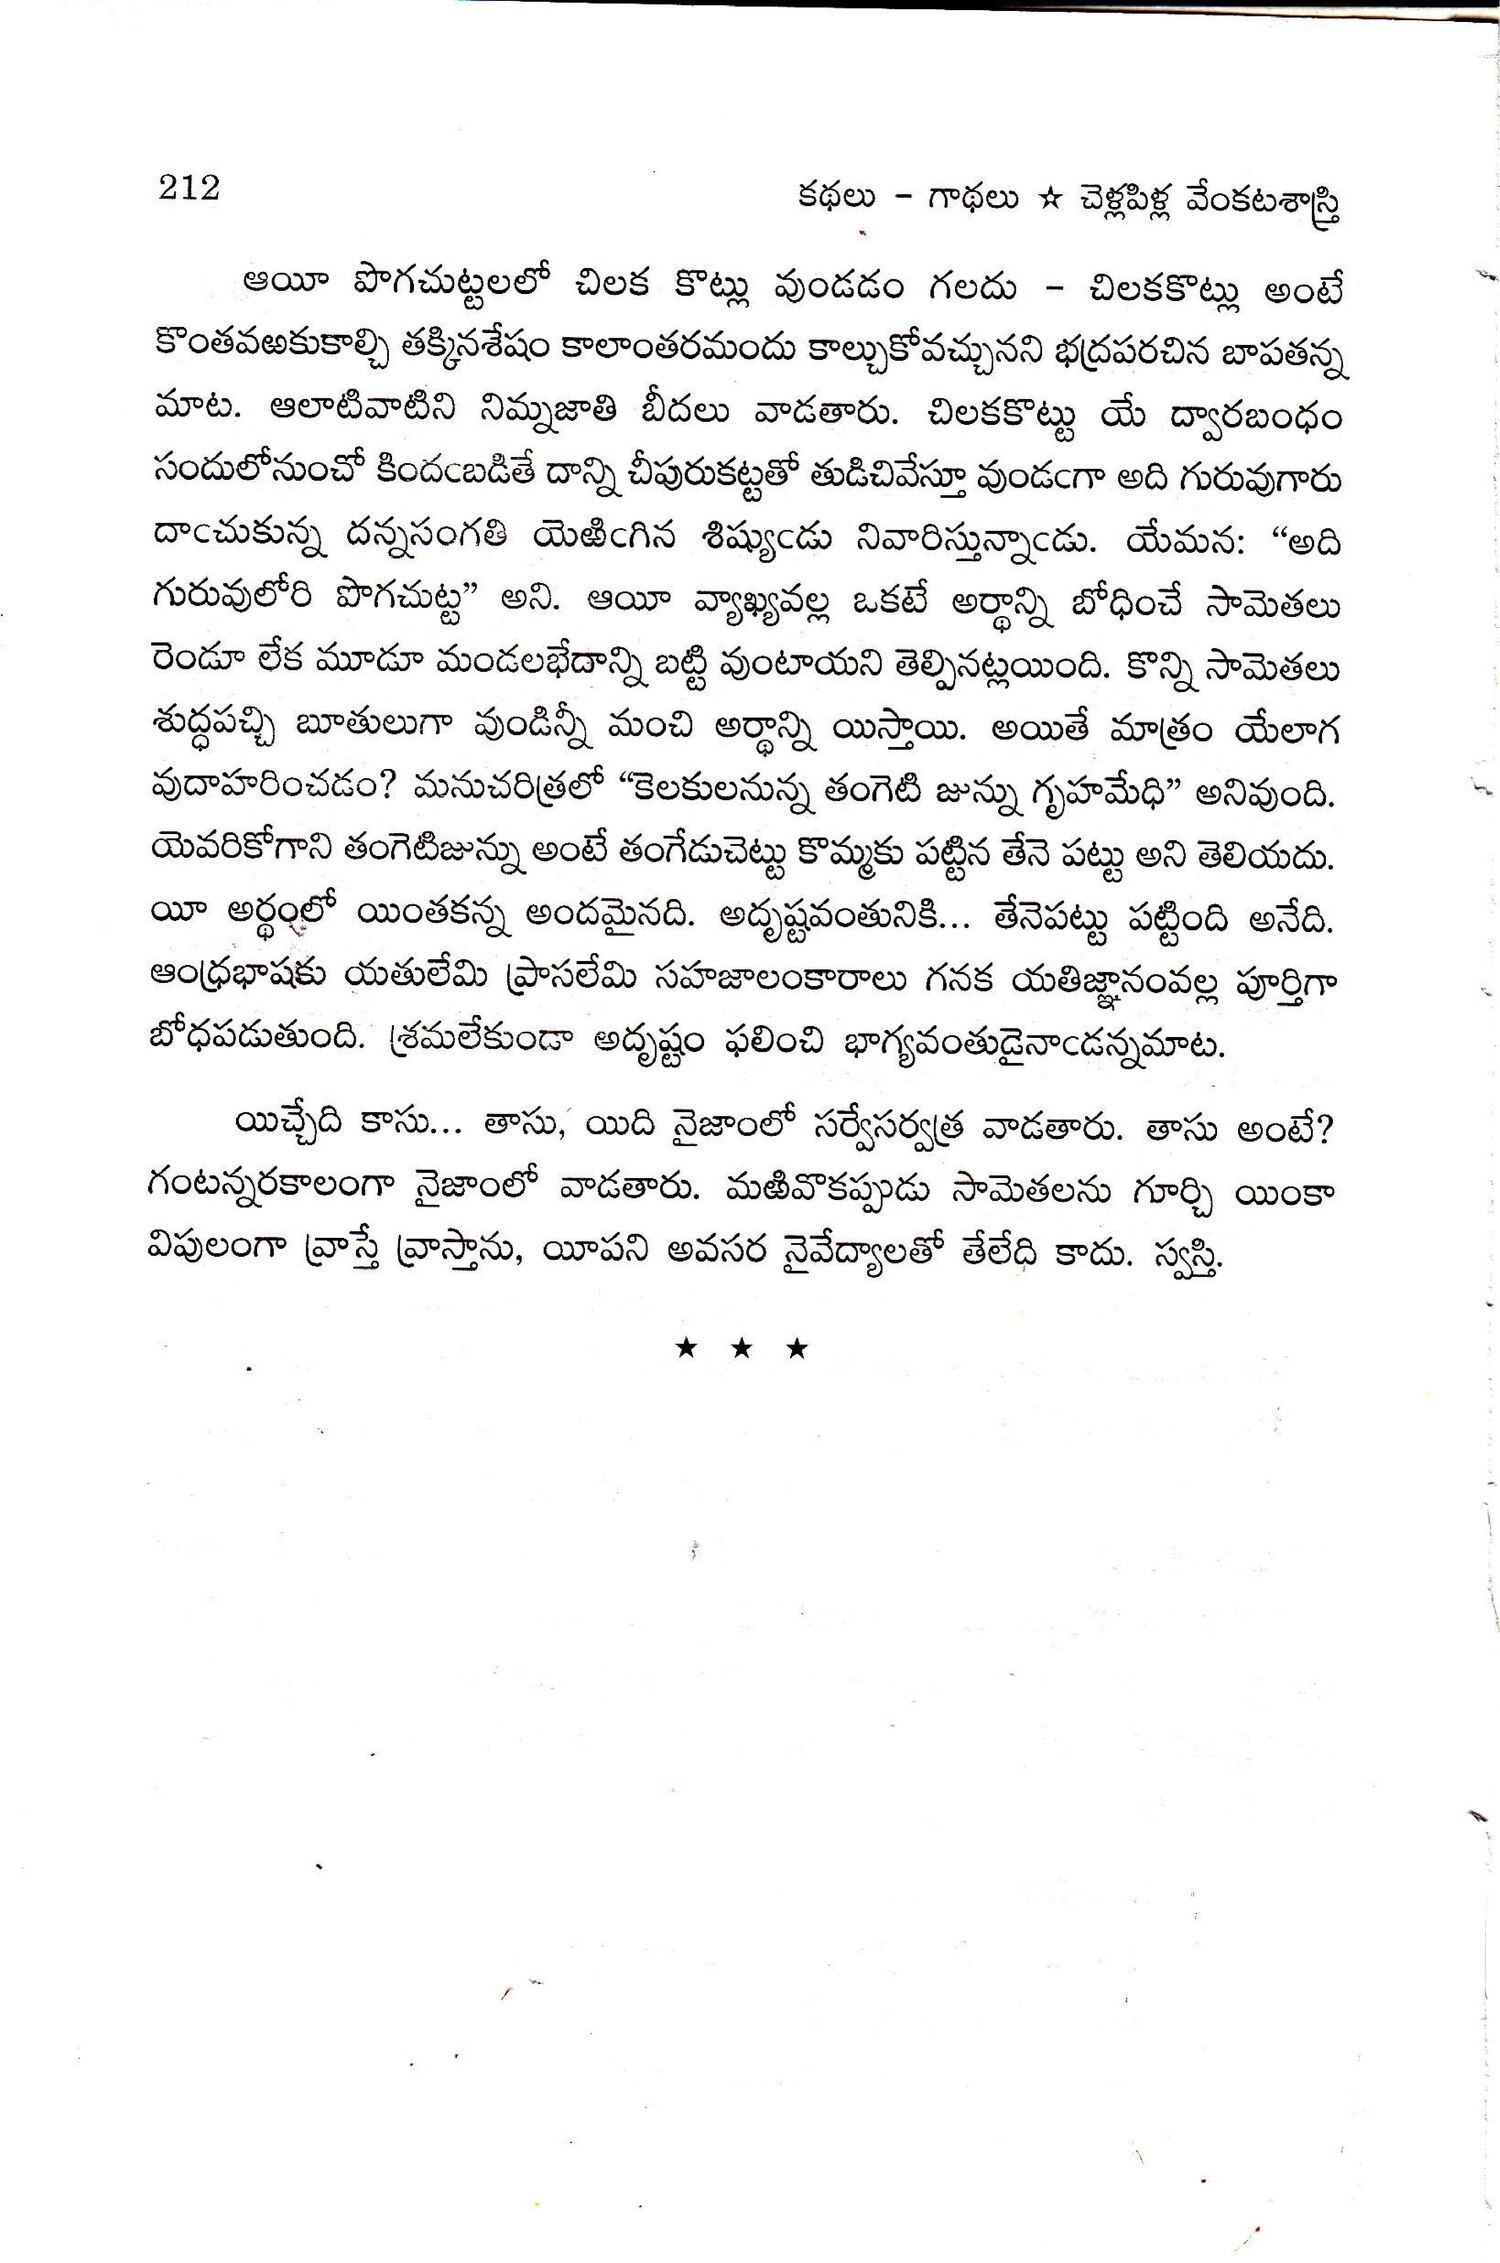ఆయీ పొగచుట్టలలో చిలక కొట్లు వుండడం గలదు - చిలకకొట్లు అంటే కొంతవఱకుకాల్చి తక్కినశేషం కాలాంతరమందు కాల్చుకోవచ్చునని భద్రపరచిన బాపతన్న మాట. ఆలాటివాటిని నిమ్నజాతి బీదలు వాడతారు. చిలకకొట్టు యే ద్వారబంధం సందులోనుంచో కిందఁబడితే దాన్ని చీపురుకట్టతో తుడిచివేస్తూ వుండఁగా అది గురువుగారు దాఁచుకున్న దన్నసంగతి యెఱిఁగిన శిష్యుఁడు నివారిస్తున్నాఁడు. యేమన: “అది గురువులోరి పొగచుట్ట" అని. ఆయీ వ్యాఖ్యవల్ల ఒకటే అర్థాన్ని బోధించే సామెతలు రెండూ లేక మూడూ మండలభేదాన్ని బట్టి వుంటాయని తెల్పినట్లయింది. కొన్ని సామెతలు శుద్ధపచ్చి బూతులుగా వుండిన్నీ మంచి అర్ధాన్ని యిస్తాయి. అయితే మాత్రం యేలాగ వుదాహరించడం? మనుచరిత్రలో "కెలకులనున్న తంగెటి జున్ను గృహమేధి" అనివుంది. యెవరికోగాని తంగెటిజన్ను అంటే తంగేడుచెట్టు కొమ్మకు పట్టిన తేనె పట్టు అని తెలియదు. యీ అర్థంలో యింతకన్న అందమైనది. అదృష్టవంతునికి... తేనెపట్టు పట్టింది అనేది. ఆంధ్రభాషకు యతులేమి ప్రాసలేమి సహజాలంకారాలు గనక యతిజ్ఞానంవల్ల పూర్తిగా బోధపడుతుంది. శ్రమలేకుండా అదృష్టం ఫలించి భాగ్యవంతుడైనాఁడన్నమాట.

యిచ్చేది కాసు. తాసు, యిది నైజాంలో సర్వేసర్వత్ర వాడతారు. తాసు అంటే? గంటన్నరకాలంగా నైజాంలో వాడతారు. మఱివొకప్పుడు సామెతలను గూర్చి యింకా విపులంగా వ్రాస్తే వ్రాస్తాను, యీపని అవసర నైవేద్యాలతో తేలేది కాదు. స్వస్తి,